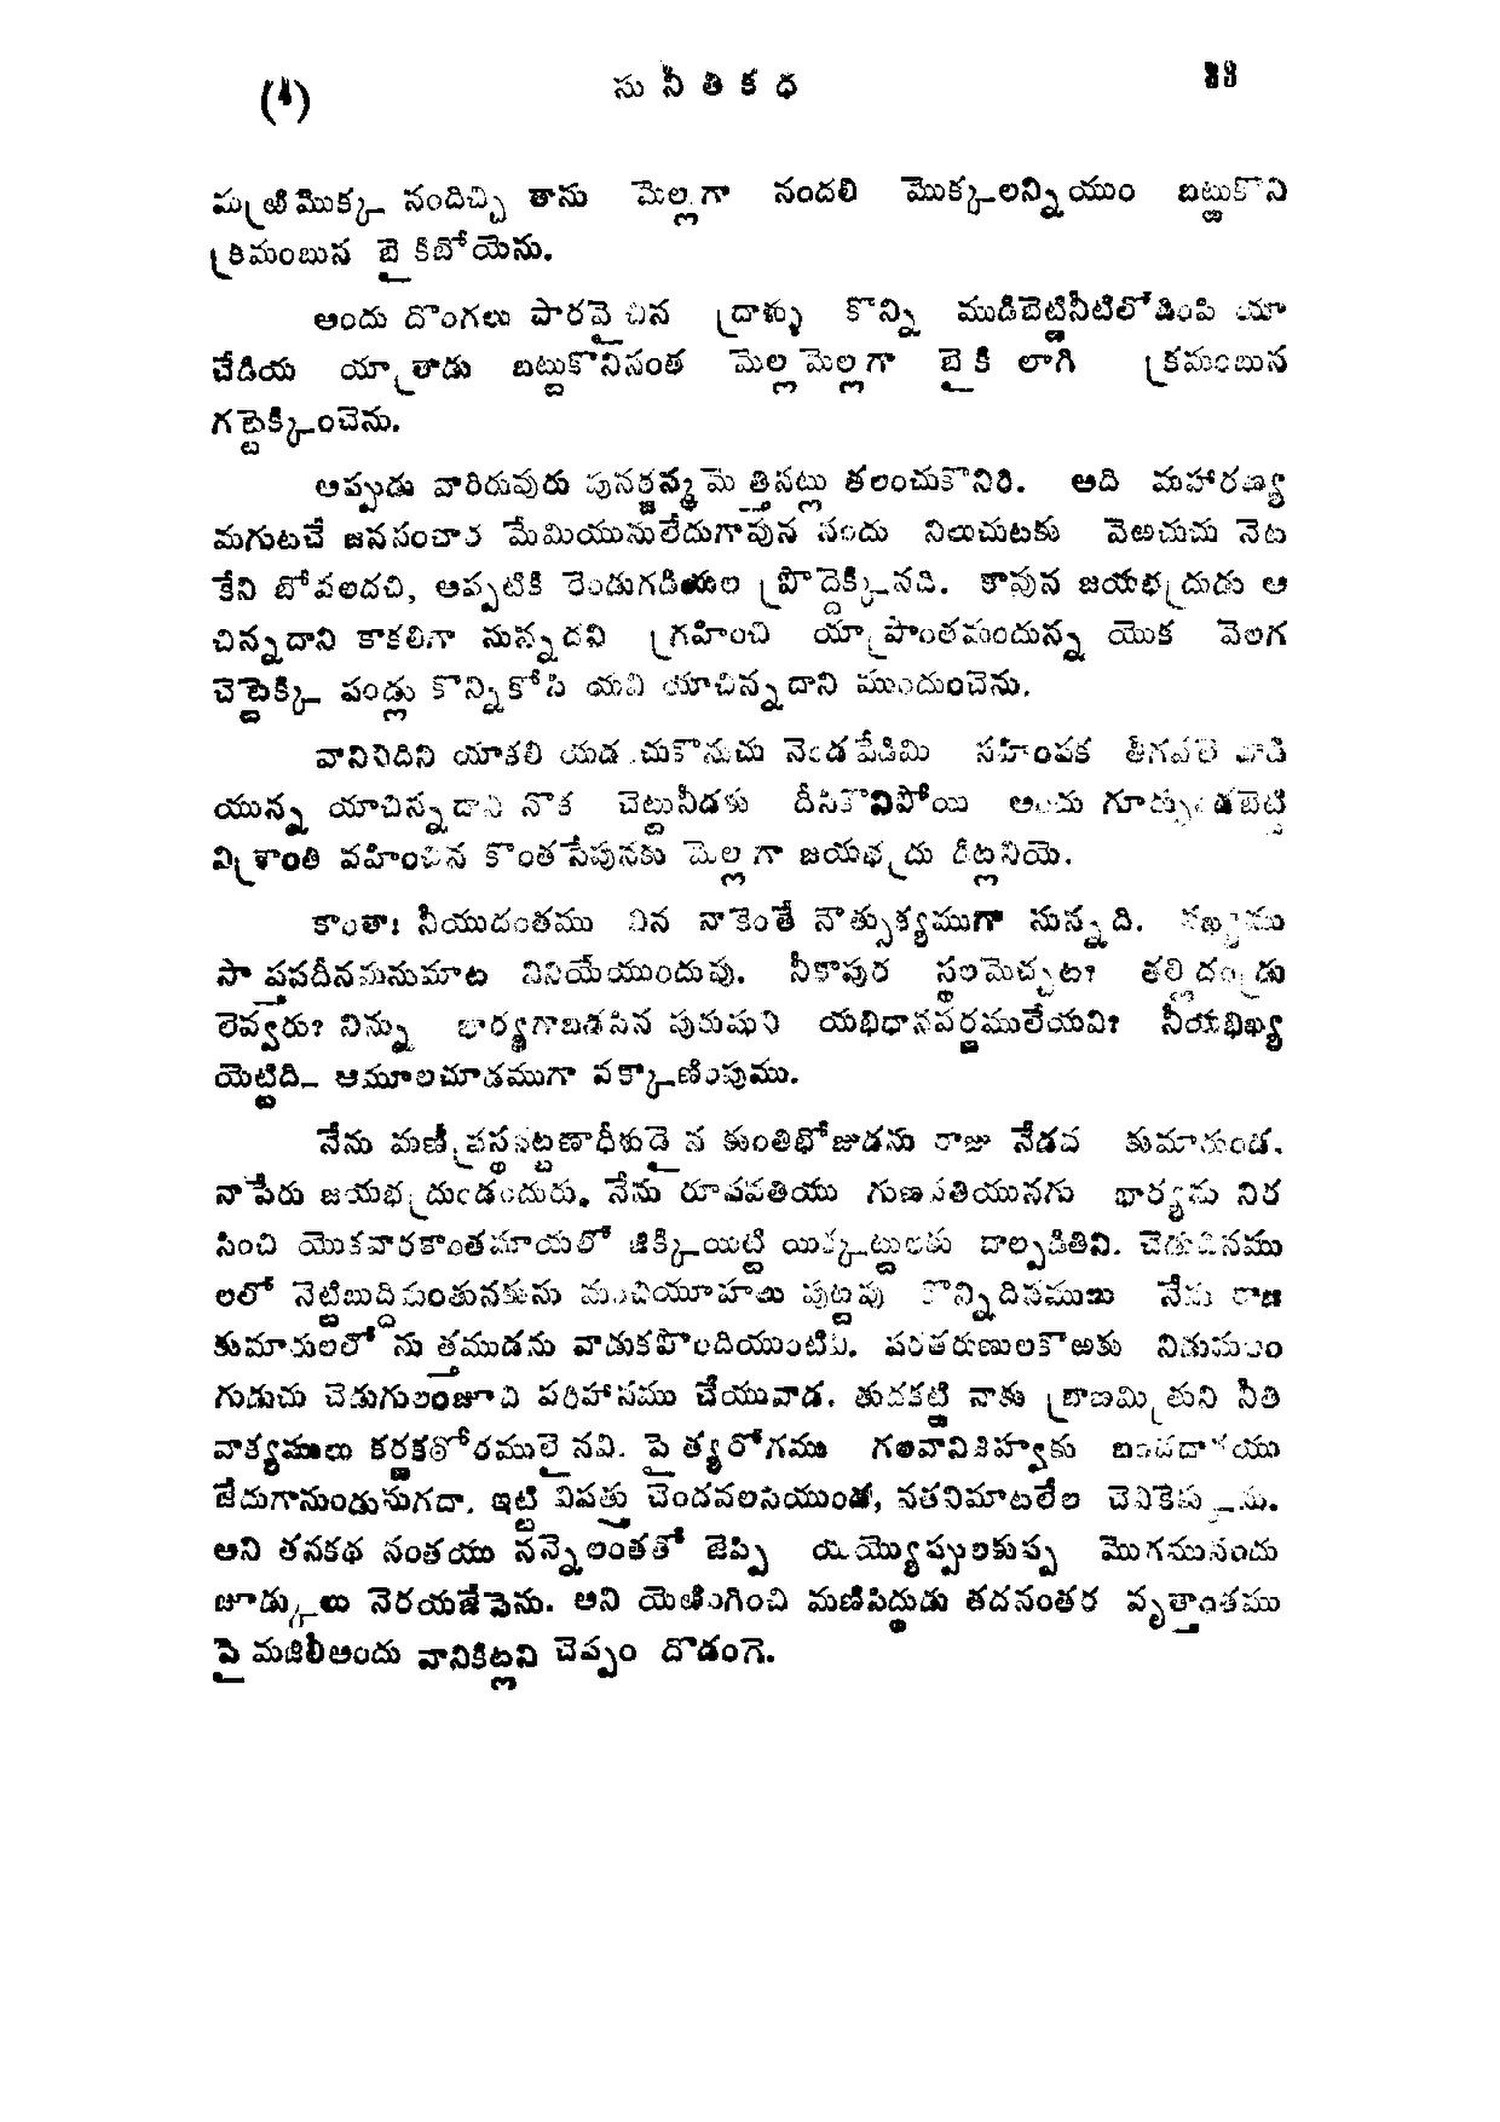మఱ్ఱిమొక్క నందిచ్చి తాను మెల్లగా నందలి మొక్కలన్నియుం బట్టుకొని క్రమంబున బైకిబోయెను.

అందు దొంగలు పారవైచిన ద్రాళ్ళు కొన్ని ముడిబెట్టి నీటిలోదింపి యా చేడియ యాత్రాడు బట్టుకొనినంత మెల్లమెల్లగా బైకి లాగి క్రమంబున గట్టెక్కించెను.

అప్పుడు వారిరువురు పునర్జన్మ మెత్తినట్లు తలంచుకొనిరి. అది మహారణ్య మగుటచే జనసంచార మేమియునులేదుగావున నందు నిలుచుటకు వెఱచుచు నెటకేని బోవదలచి, అప్పటికి రెండు గడియల ప్రొద్దెక్కినది. కావున జయభద్రుడు ఆ చిన్నదాని కాకలిగా నున్నదని గ్రహించి యాప్రాంత మందున్న యొక వెలగచె ట్టెక్కి పండ్లు కొన్నికోసి యవి యాచిన్నదాని ముందుంచెను.

వానిని దిని యాకలి యడంచుకొనుచు నెండవేడిమి సహింపక తీగవలె వాడియున్న యాచిన్నదాని నొకచెట్టునీడకు దీసికొనిపోయి అందు గూర్చుండబెట్టి విశ్రాంతి వహించిన కొంతసేపునకు మెల్లగా జయభద్రు డిట్లనియె.

కాంతా! నీయుదంతము విన నాకెంతే నౌత్సుక్యముగా నున్నది. సఖ్యము సాప్తపదీనమనుమాట వినియేయుందువు. నీకాపురస్థల మెచ్చట? తల్లిదండ్రు లెవ్వరు? నిన్ను భార్యగాబడసిన పురుషుని యభిధానవర్ణములేయవి? నీయభిఖ్య యెట్టిది- ఆమూలచూడముగా వక్కాణింపుము.

నేను మణిప్రస్థపట్టణాధీశుడైన కుంతిభోజుడను రాజు నేడవకుమారుండ. నాపేరు జయభద్రుం డందురు. నేను రూపవతియు గుణవతియునగు భార్యను నిరసించి యొకవారకాంతమాయలో జిక్కి యిట్టి యిక్కట్టులకు బాల్పడితిని. చెడుదినములలో నెట్టిబుద్ధిమంతునకును మంచియూహలు పుట్టవు కొన్నిదినములు నేను రాజకుమారులలో నుత్తముడను వాడుక పొందియుంటిని. పరతరుణులకొఱకు నిడుమలం గుడుచు చెడుగులం జూచి పరిహాసము చేయువాడ. తుదకట్టి నాకు బ్రాణమిత్రుని నీతివాక్యములు కర్ణకఠోరములైనవి. పైత్యరోగము గలవానిజిహ్వకు బంచదారయు జేదుగానుండునుగదా. ఇట్టి విపత్తు చెందవలసియుండ, నతని మాటలేల చెవికెక్కును. అని తనకథ నంతయు నన్నెలంతతో జెప్పి యయ్యొప్పులకుప్ప మొగమునందు జూడ్కులు నెరయజేసెను. అని యెఱింగించి మణిసిద్దుడు తదనంతర వృత్తాంతము పై మజిలీఅందు వాని కిట్లని చెప్పం దొడంగె.